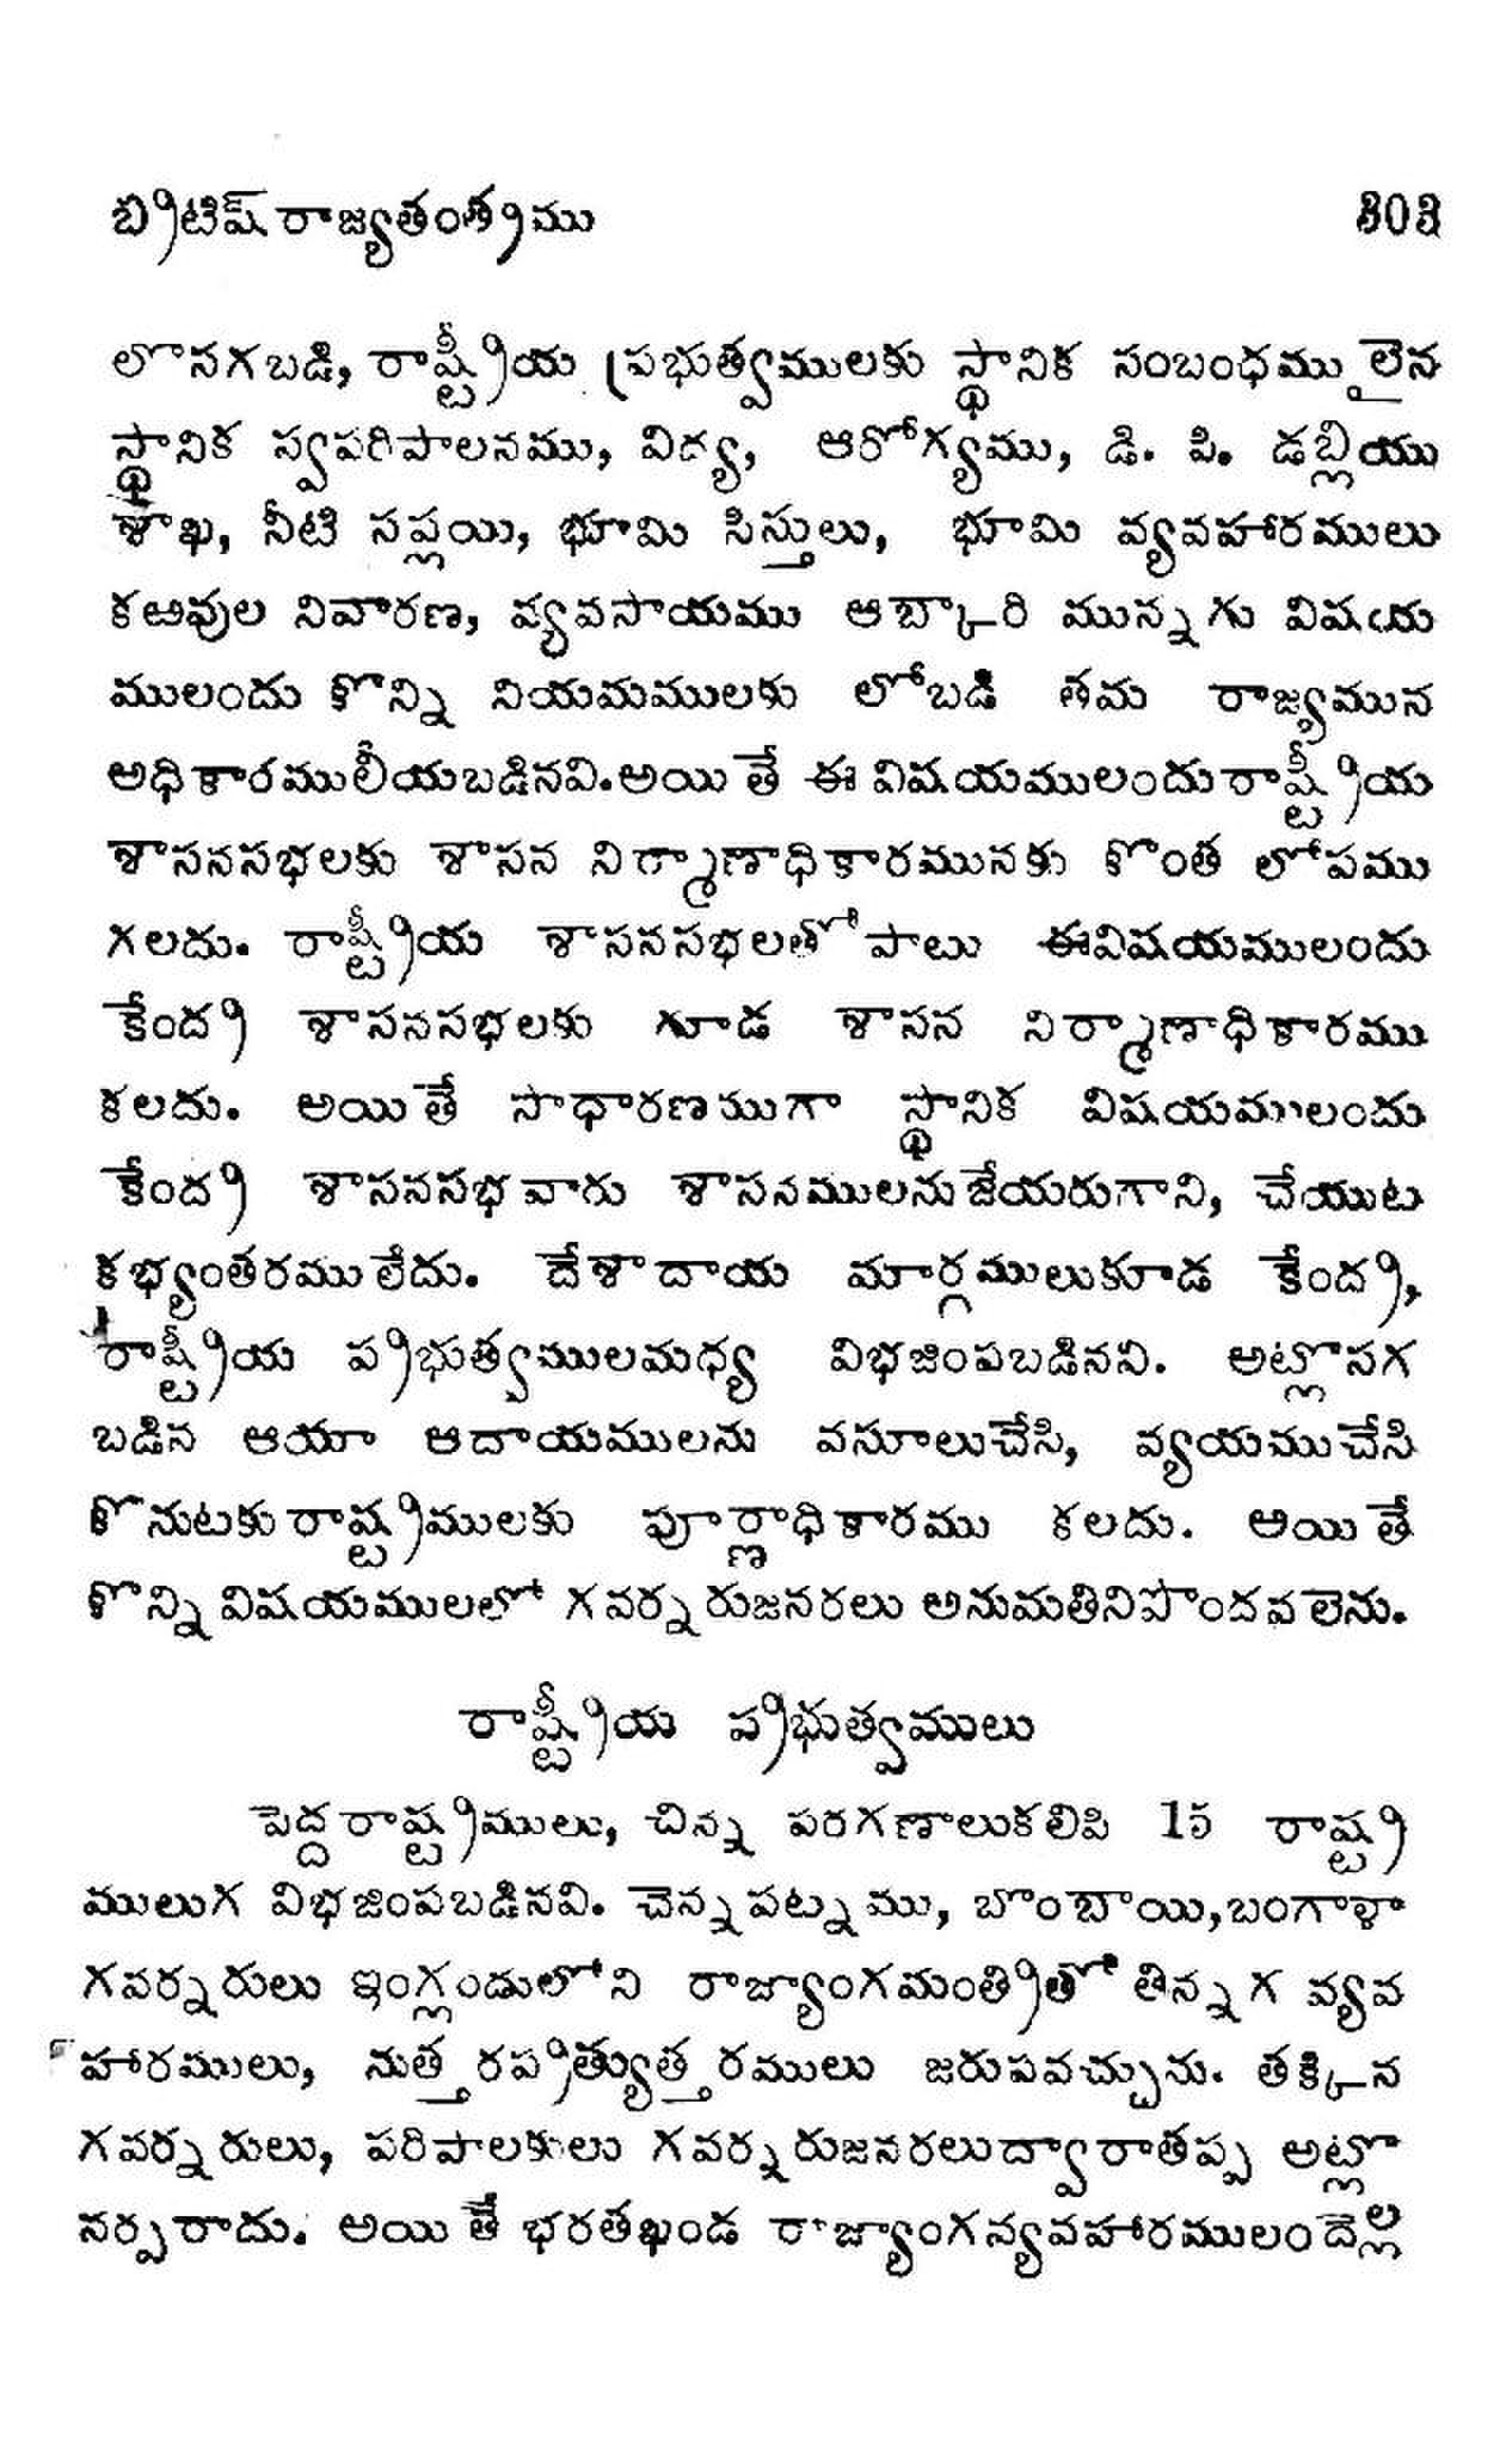లొసగబడి, రాష్ట్రీయ ప్రభుత్వములకు స్థానిక సంబంధములైన స్థానిక స్వపరిపాలనము, విద్య, ఆరోగ్యము, డి. పి. డబ్లియు శాఖ, నీటి సప్లయి, భూమి సిస్తులు, భూమి వ్యవహారములు కఱవుల నివారణ, వ్యవసాయము ఆబ్కారి మున్నగు విషయములందు కొన్ని నియమములకు లోబడి తమ రాజ్యమున అధికారములీయబడినవి. అయితే ఈ విషయములందు రాష్ట్రీయ శాసనసభలకు శాసన నిర్మాణాధికారమునకు కొంత లోపము గలదు. రాష్ట్రీయ శాసనసభలతో పాటు ఈవిషయములందు కేంద్ర శాసనసభలకు గూడ శాసన నిర్మాణాధికారము కలదు. అయితే సాధారణముగా స్థానిక విషయములందు కేంద్ర శాసనసభవారు శాసనములనుజేయరు గాని, చేయుట కభ్యంతరములేదు. దేశాదాయ మార్గములుకూడ కేంద్ర, రాష్ట్రీయ ప్రభుత్వములమధ్య విభజింపబడినవి. అట్లొసగబడిన ఆయా ఆదాయములను వసూలుచేసి, వ్యయముచేసికొనుటకు రాష్ట్రములకు పూర్ణాధికారము కలదు. అయితే కొన్నివిషయములలో గవర్నరుజనరలు అనుమతినిపొందవలెను.

రాష్ట్రీయ ప్రభుత్వములు 

పెద్దరాష్ట్రములు, చిన్న పరగణాలుకలిపి 15 రాష్ట్రములుగ విభజింపబడినవి. చెన్నపట్నము, బొంబాయి, బంగాళా గవర్నరులు ఇంగ్లండులోని రాజ్యంగమంత్రితో తిన్నగ వ్యవహారములు, నుత్తరప్రత్యుత్తరములు జరుపవచ్చును. తక్కిన గవర్నరులు, పరిపాలకులు గవర్నరుజనరలు ద్వారాతప్ప అట్లొనర్పరాదు. అయితే భరతఖండ రాజ్యాంగవ్యవహారములందెల్ల